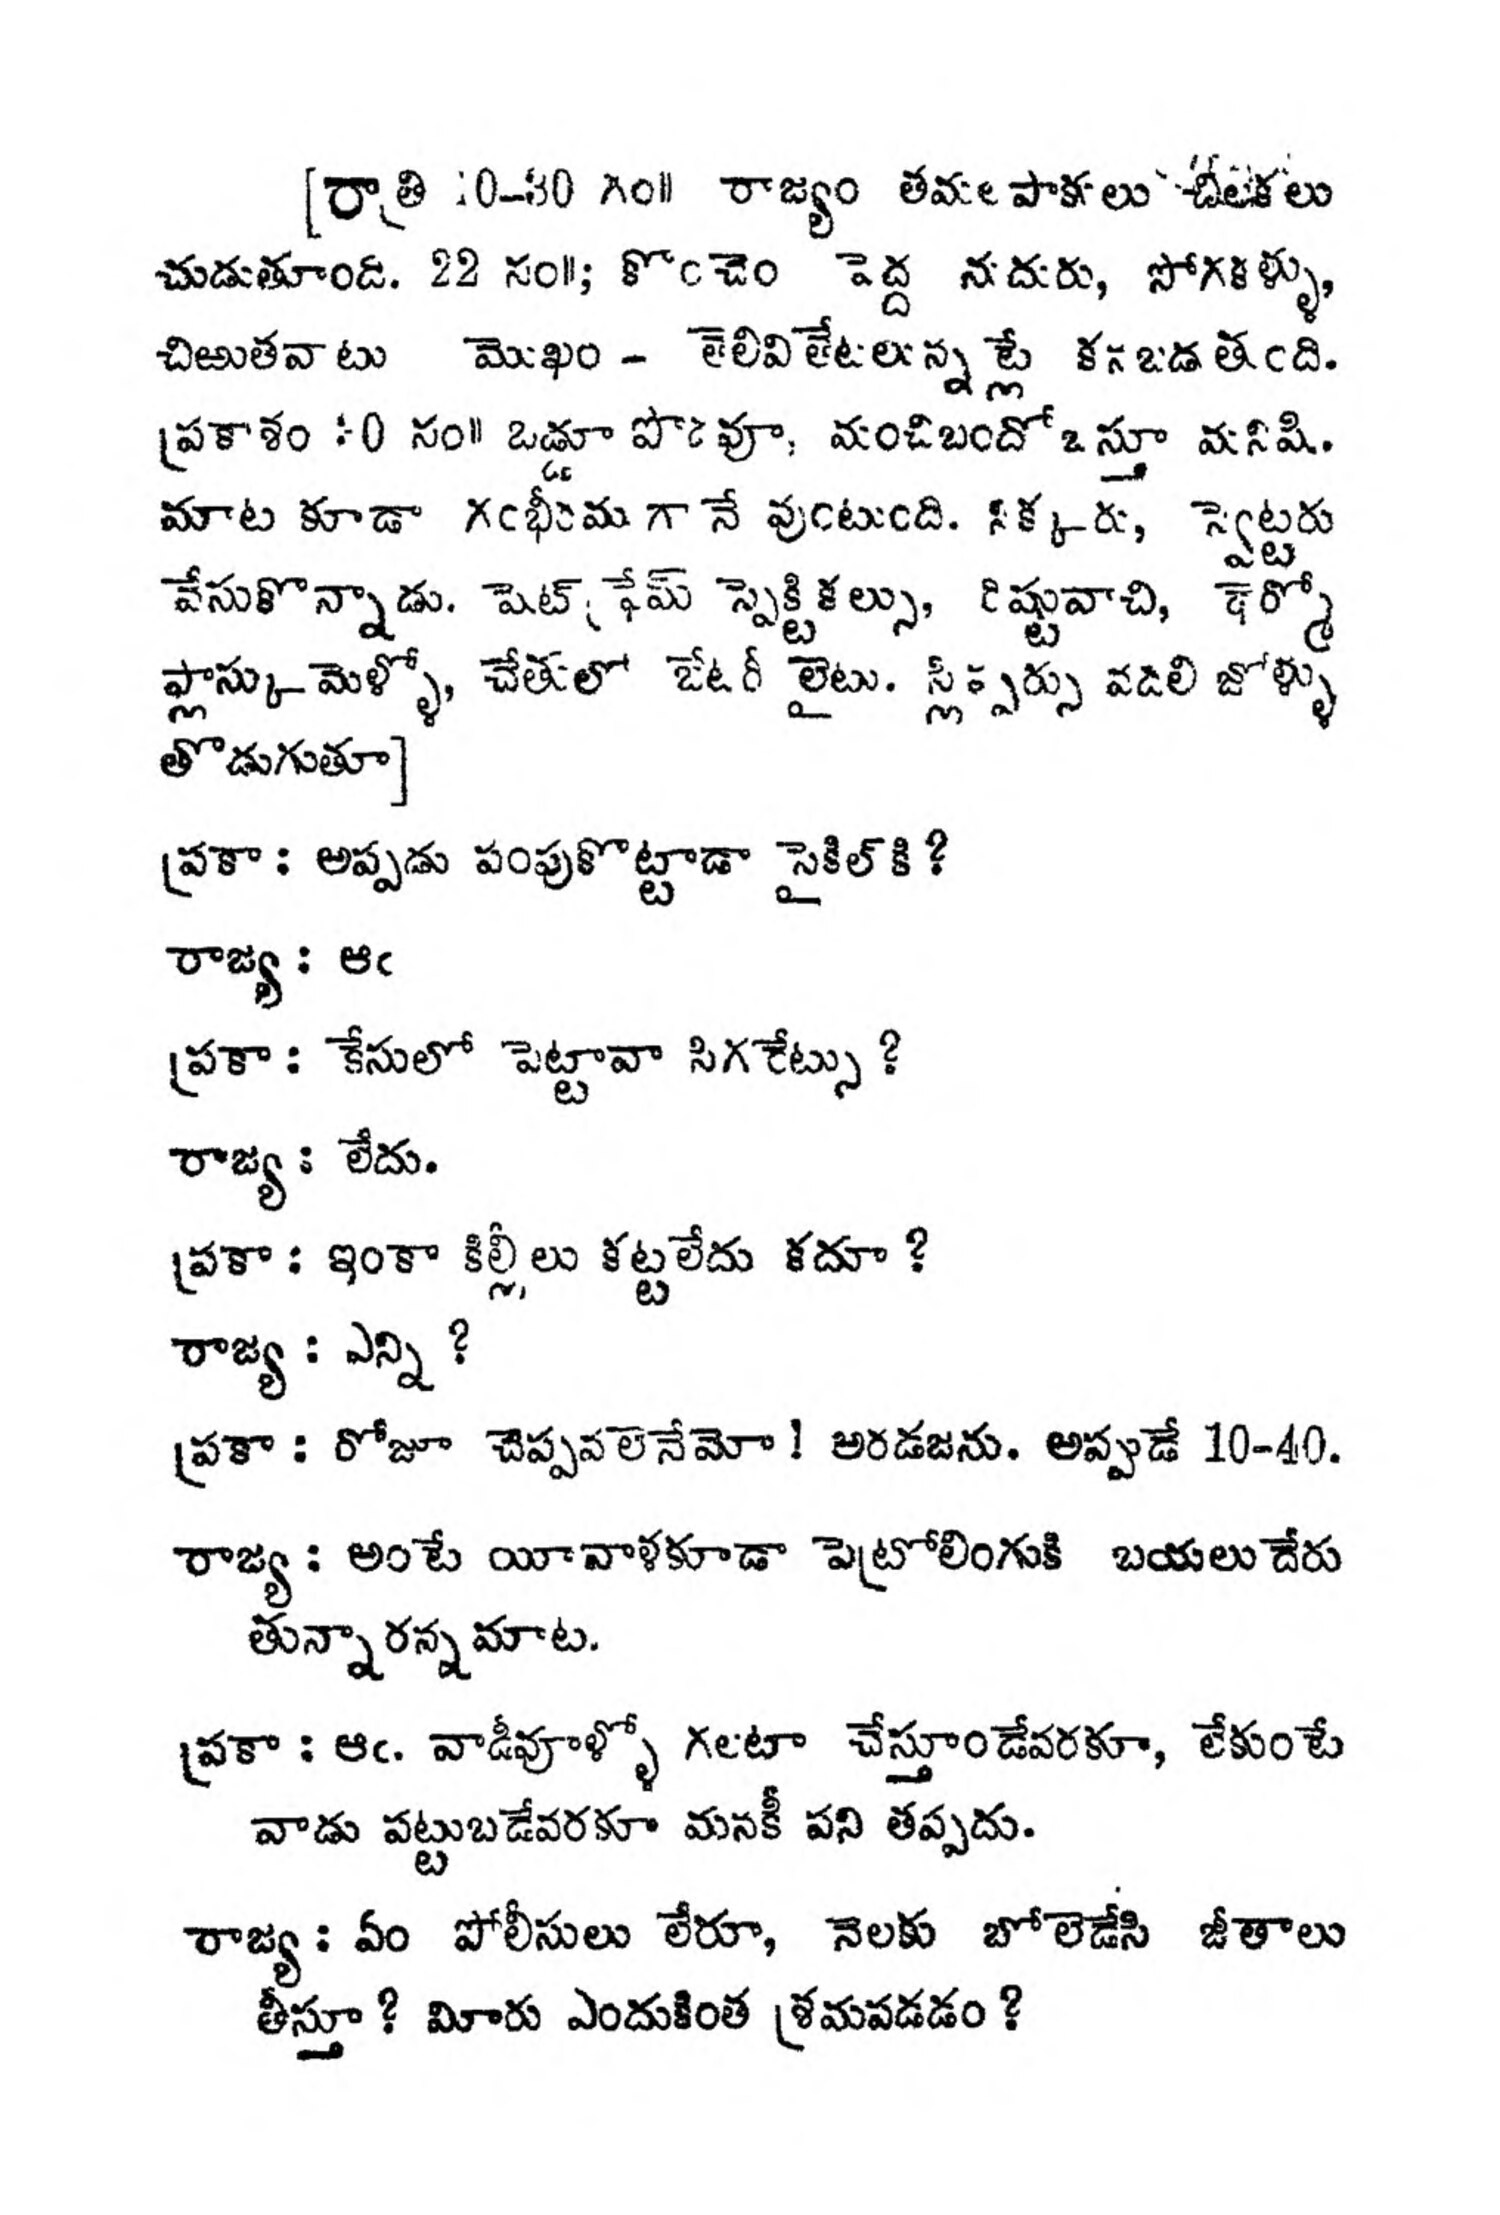[రాత్రి 10-30 గం॥ రాజ్యం తమలపాకులు చిలకలు చుడుతూంది. 22 సం॥; కొంచెం పెద్ద నుదురు, సోగకళ్ళు, చిఱుతవాటు మొఖం - తెలివితేటలున్నట్లే కనబడతుంది. ప్రకాశం 30 సం॥ ఒడ్డూ పొడవూ, మంచిబందోబస్తూ మనిషి. మాట కూడా గంభీరముగానే వుంటుంది. నిక్కరు, స్వెట్టరు వేసుకొన్నాడు. షెట్‌ఫ్రేమ్ స్పెక్టికల్సు, రిష్టువాచి, థెర్మో
ఫ్లాస్కు మెళ్ళో, చేతులో బేటరీ లైటు. స్లిప్పర్సు వదిలి జోళ్ళు తొడుగుతూ]

ప్రకా : అప్పడు పంపుకొట్టాడా సైకిల్‌కి ?

రాజ్య : ఆఁ

ప్రకా: కేసులో పెట్టావా సిగరేట్సు ?

రాజ్య : లేదు.

ప్రకా : ఇంకా కిల్లీలు కట్టలేదు కదూ?

రాజ్య : ఎన్ని ?

ప్రకా : రోజూ చెప్పవలెనేమో! అరడజను. అప్పుడే 10-40.

రాజ్య : అంటే యీవాళకూడా పెట్రోలింగుకి బయలుదేరుతున్నారన్నమాట.

ప్రకా : ఆఁ. వాడీవూళ్ళో గలటా చేస్తూండేవరకూ, లేకుంటే వాడు పట్టుబడేవరకూ మనకీ పని తప్పదు.

రాజ్య : ఏం పోలీసులు లేరూ, నెలకు బోలెడేసి జీతాలు తీస్తూ? మీరు ఎందుకింత శ్రమపడడం ?